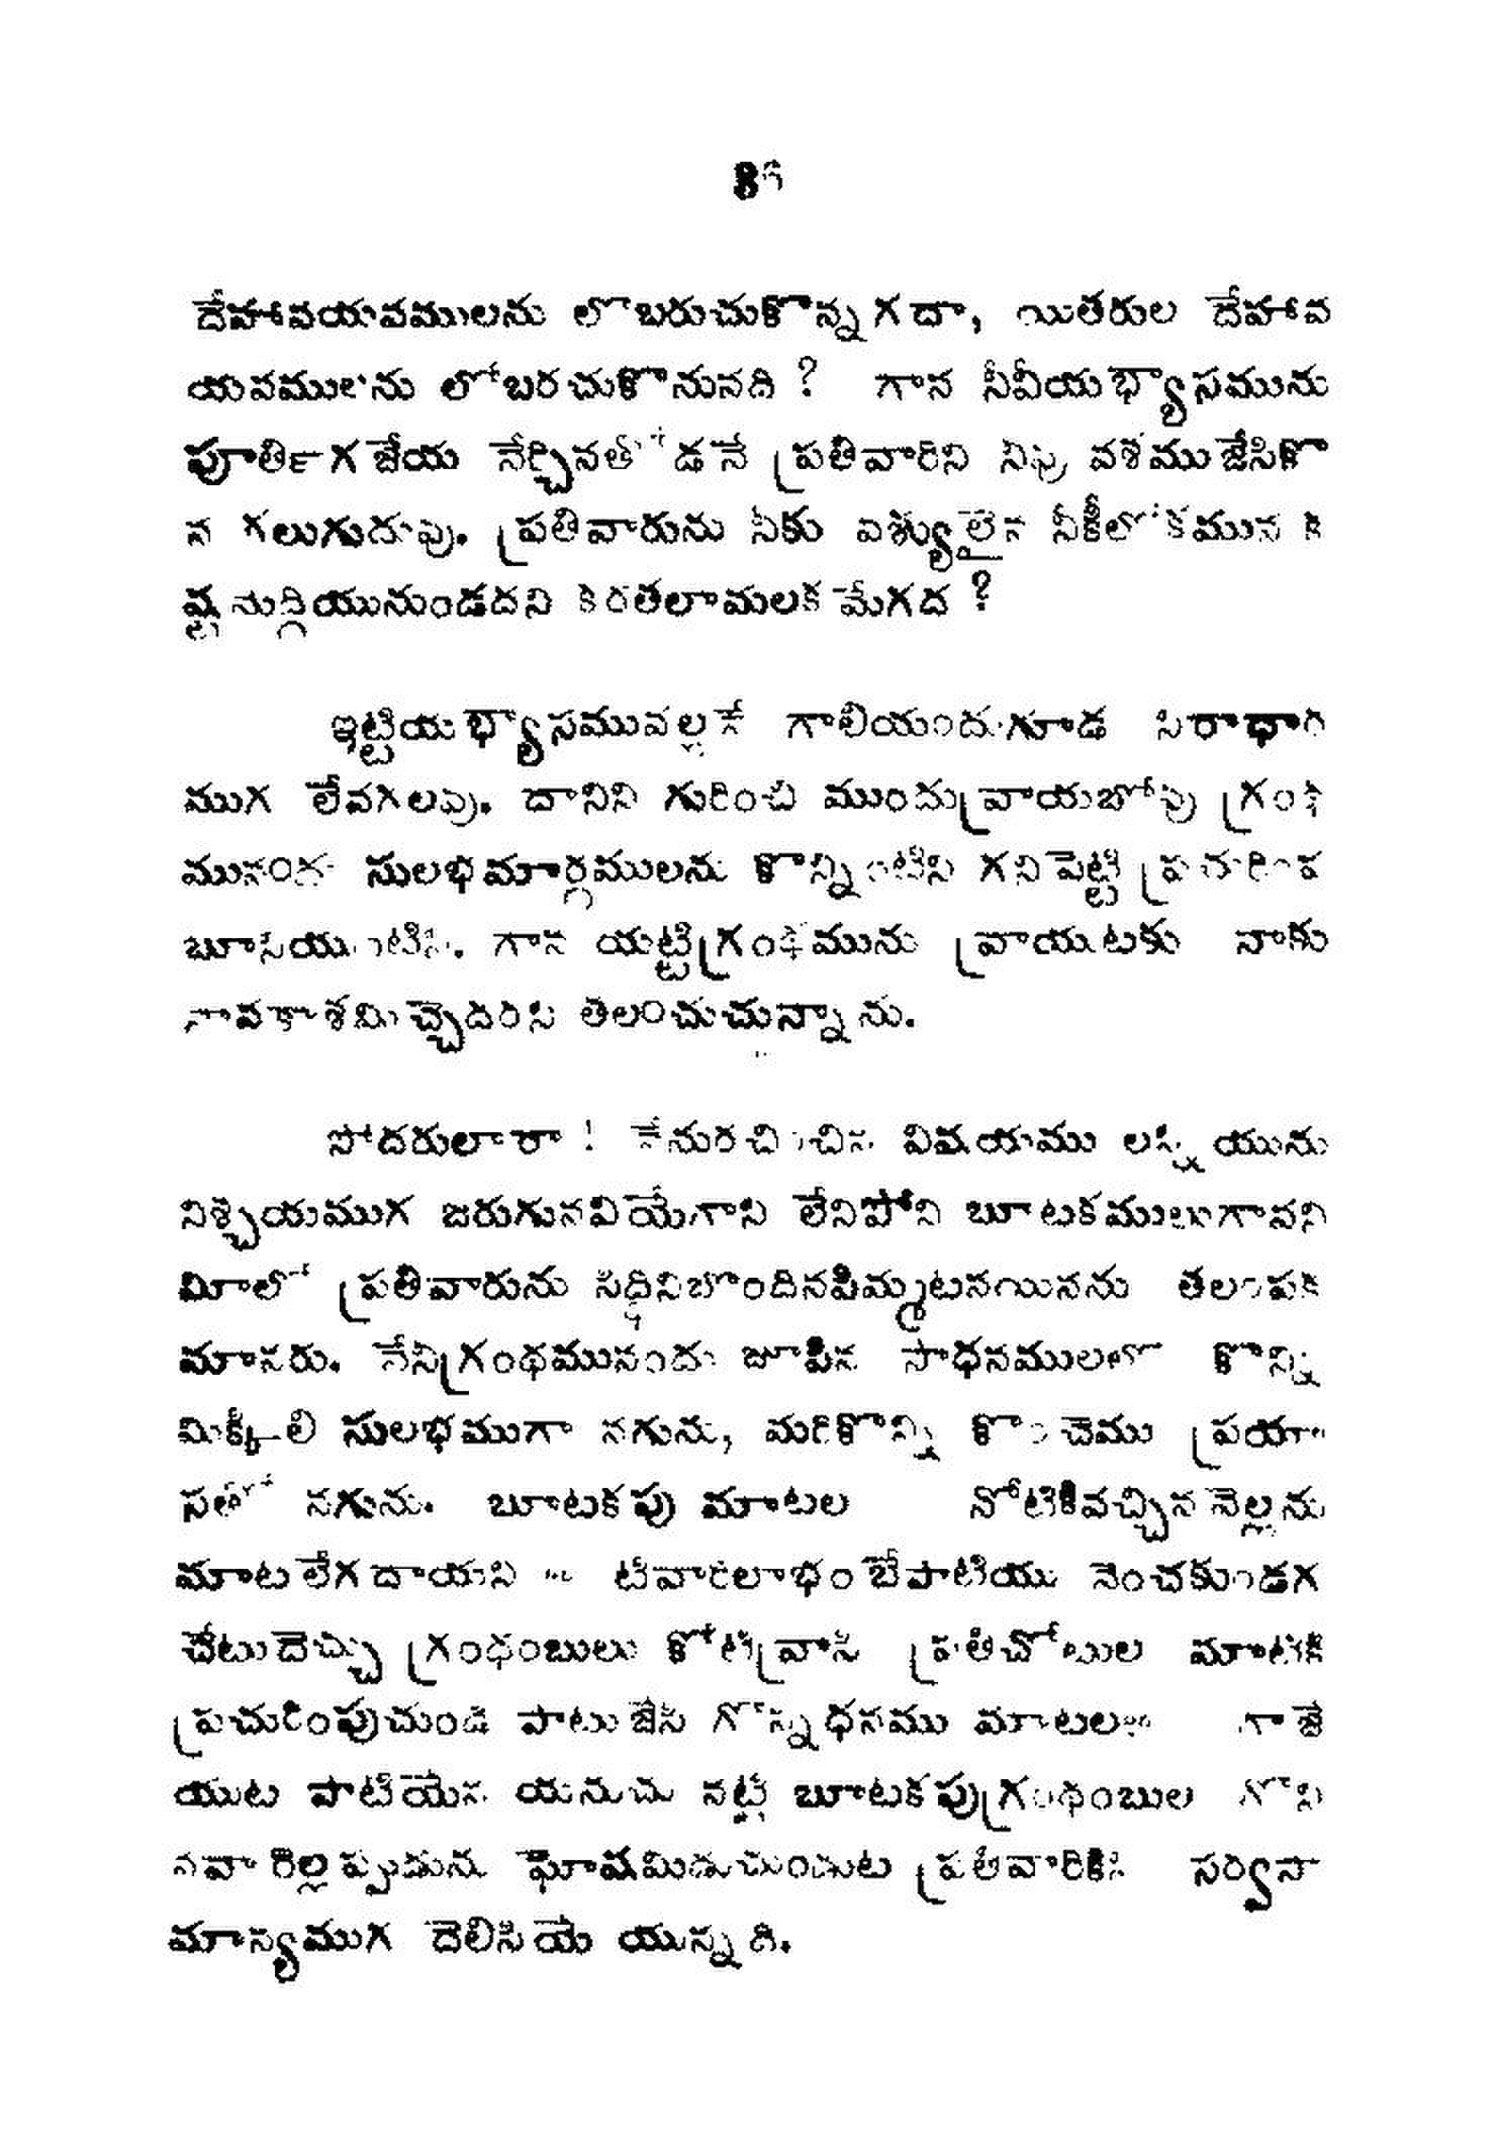దేహావయవములను లోబరుచుకొన్నగదా, యితరుల దేహావయవములను లోబరచుకొనునది ? గాన నీవీయభ్యాసమును పూతిన్‌గజేయ నేర్చినతోడనే ప్రతివారిని నీవు వశముజేసికొన గలుగుదువు. ప్రతివారును నీకు వశ్యులైన నీకీలోకమున కష్టమెద్దియునుండదని కరతలామలక మేగద ?

ఇట్టియభ్యాసమువల్లనే గాలియందుగూడ నిరాధారముగ లేవగలవు. దానిని గురించి ముందు వ్రాయబోపు గ్రంథమునందు సులభమార్గములను కొన్నింటిని గనిపెట్టి ప్రచురింపబూనియుంటిని.
గాన యట్టిగ్రంథమును వ్రాయటకు నాకు సావకాశమిచ్చెదరిని తలంచుచున్నా ను.

సోదరులారా ! నేనురచించిన విషయము లన్నియును నిశ్చయముగ జరుగునవియేగాని లేనిపోని బూటకములుగావని మీలో ప్రతివారును సిద్ధినిబొందినపిమ్మటనయినను తలంపక మానరు. నేనీగ్రంథమునందు జూపిన సాధనములలో కొన్ని మిక్కిలి సులభముగా నగును, మరికొన్ని కొంచెము ప్రయాసతో నగును. బూటకపు మాటల నోటికివచ్చిన నెల్లను మాటలేగదాయని ఆలాటీవారిలాభం బేపాటియు నెంచకుండగ చేటుదెచ్చు గ్రంథంబులు కోటివ్రాసి ప్రతిచోటుల మాటికి ప్రచురింపుచుండ పాటుజేసి గోన్నధనము మాటలతో గాజేయుట పాటియేను యనుచు నట్టి బూటకపుగ్రంధంబులు గొనినవా రెల్లప్పుడును ఘోషమిడుచుండుట ప్రతివారికిని సర్వసామాన్యముగ దెలిసియే యున్నది.